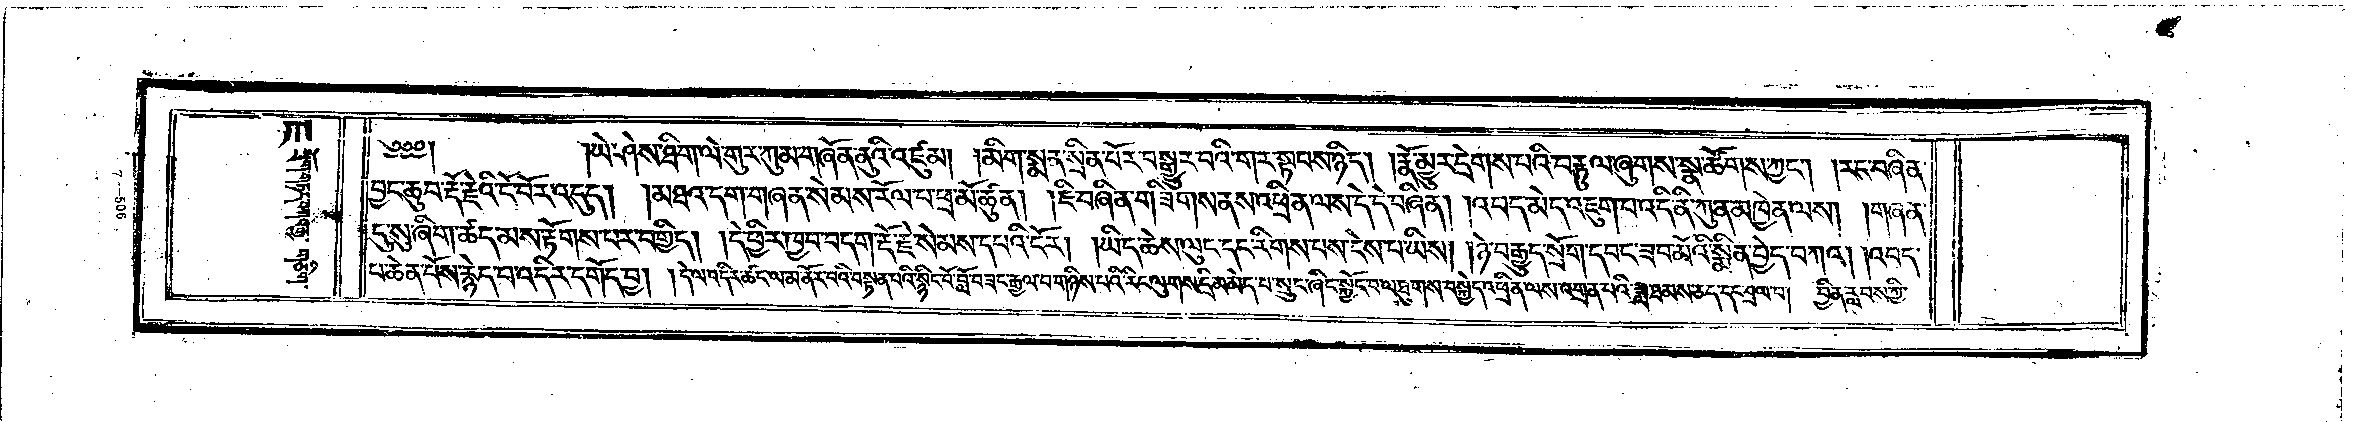༄༅༅། །ཡེ་ཤེས་ཐིག་ལེ་གུར་ཀུམ་གཞོན་ནུའི་འཛུམ། །མིག་སྨན་སྲིན་པོར་བསྒྱུར་བའི་གར་སྟབས་ཉིད། །རྣོ་མྱུར་དྲེགས་པའི་བརྟུལ་ཞུགས་སྣ་ཚོགས་ཀྱང་། །རང་བཞིན་
བྱང་ཆུབ་རྡོ་རྗེའི་ངོ་བོར་བདུད། །མཐའ་དག་གཞན་སེམས་རོལ་བ་ཕྲ་མོ་ཚུན། །ཇི་བཞིན་གཟིགས་ནས་འཕྲིན་ལས་དེ་དེ་བཞིན། །འབད་མེད་འཇུག་པ་འདི་ནི་ཀུན་མཁྱེན་ལས། །གཞན་
དུ་སུ་ཞིག་ཚད་མས་རྟོགས་པར་བགྱིད། །དེ་ཕྱིར་ཁྱབ་བདག་རྡོ་རྗེ་སེམས་དཔའི་ངོར། །ཡིད་ཆེས་ལུང་དང་རིགས་པས་ངེས་པ་ཡིས། །ཉེ་བརྒྱུད་སྲོག་དབང་ཟབ་མོའི་སྨིན་བྱེད་བཀའ། །འབད་
པ་ཆེན་པོས་རྙེད་པ་འདིར་དགོད་བྱ། །དེ་ལ་འདིར་ཚང་ལ་མ་ནོར་བའི་བསྟན་པའི་སྙིང་པོ་བློ་བཟང་རྒྱལ་བ་གཉིས་པའི་རེང་ལུགས་དྲི་མ་མེད་པ་སྲུང་ཞིང་སྐྱོང་བ་ལ་ཐུགས་བསྐྱེད་འཕྲིན་ལས་འགྲན་པའི་ཟླ་ཐམས་ཅད་དང་བྲལ་བ། བྱིན་རླབས་ཀྱི་